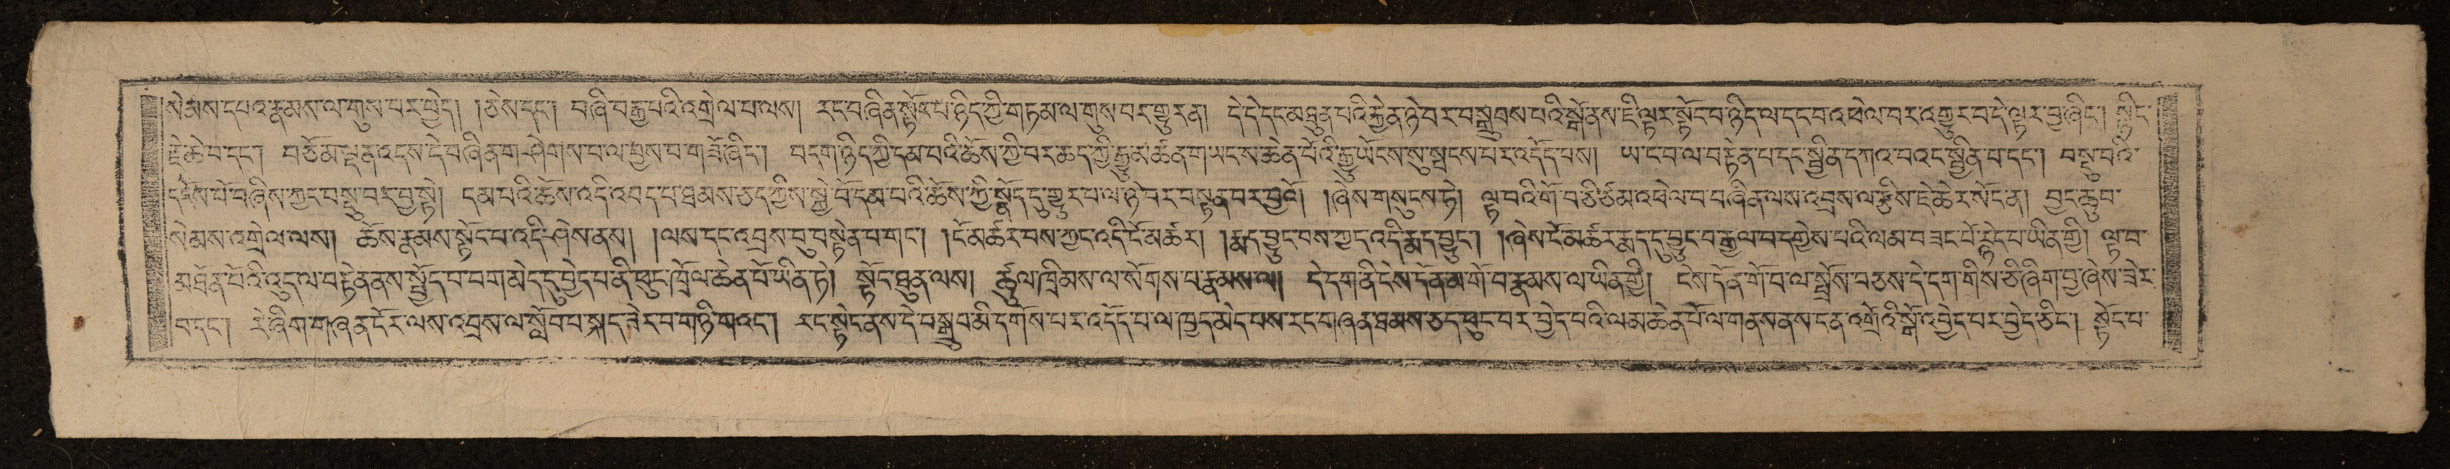སེམས་དཔའ་རྣམས་ལ་གུས་བར་བྱེད། །ཅེས་དང་། བཞི་བརྒྱ་བའི་འགྲེལ་བ་ལས། རང་བཞིན་སྟོང་བ་ཉིད་ཀྱི་གཏམ་ལ་གུས་པར་གྱུར་ན། དེ་དེ་དང་མཐུན་པའི་རྐྱེན་ཉེ་བར་བསྒྲུབས་པའི་སྒོ་ནས་ཇི་ལྟར་སྟོང་བ་ཉིད་ལ་དང་བ་འཕེལ་བར་འགྱུར་བ་དེ་ལྟར་བྱ་ཞིང་། སྙིང་
རྗེ་ཆེ་བ་དང་། བཅོམ་ལྡན་འདས་དེ་བཞིན་གཤེགས་བ་ལ་བྱས་པ་གཟོ་ཞིང་། བདག་ཉིད་ཀྱི་དམ་པའི་ཆོས་ཀྱི་བར་ཆད་ཀྱི་རྒྱུ་མཚན་གཡང་ས་ཆེན་པོའི་རྒྱུ་ཡོངས་སུ་སྤངས་བར་འདོད་པས། ཡང་བ་ལ་བརྟེན་པ་དང་སྦྱིན་དཀའ་བའང་སྦྱིན་པ་དང་། བསྡུ་བའི་
དངོས་པོ་བཞིས་ཀྱང་བསྡུ་བར་བྱ་སྟེ། དམ་པའི་ཆོས་འདི་འབད་པ་ཐམས་ཅད་ཀྱིས་སྐྱེ་བོ་དམ་བའི་ཆོས་ཀྱི་སྣོད་དུ་གྱུར་པ་ལ་ཉེ་བར་བསྟན་པར་བྱའོ། །ཞེས་གསུངས་ཏེ། ལྟ་བའི་གོ་བ་ཅི་ཙམ་འཕེལ་བ་བཞིན་ལས་འབྲས་ལ་རྩིས་ཇེ་ཆེར་སོང་ན། བྱང་ཆུབ་
སེམས་འགྲེལ་ལས། ཆོས་རྣམས་སྟོང་བ་འདི་ཤེས་ནས། །ལས་དང་འབྲས་བུ་བསྟེན་པ་གང་། །ངོ་མཚར་བས་ཀྱང་འདི་ངོ་མཚར། །རྨད་བྱུང་བས་ཀྱང་འདི་རྨད་བྱུང་། །ཞེས་ངོ་མཚར་རྨད་དུ་བྱུང་བ་རྒྱལ་བ་དགྱེས་བའི་ལམ་བཟང་པོ་རྙེད་བ་ཡིན་གྱི། ལྟ་བ་
མཐོན་པོའི་བུད་ལ་བརྟེན་ནས་སྤྱོད་བ་བག་མེད་དུ་བྱེད་པ་ནི་ཕུང་ཁྲོལ་ཆེན་པོ་ཡིན་ཏེ། སྟོང་ཐུན་ལས། ཚུལ་ཁྲིམས་ལ་སོགས་པ་རྣམས་ལ། དེ་དག་ནི་ངེས་དོན་མགོ་བ་རྣམས་ལ་ཡིན་གྱི། ངེས་དོན་གོ་བ་ལ་སྤྲོས་བཅས་དེ་དག་གིས་ཅི་ཞིག་བྱ་ཞེས་ཟེར་
བ་དང་། རེ་ཞིག་གཞན་ངོར་ལས་འབྲས་ལ་སློབ་པ་སྐད་ཟེར་བ་གཉིས་ལས། རང་སྟེང་ནས་དེ་བསྒྲུབ་མི་དགོས་པར་འདོད་པ་ལ་ཁྱད་མེད་པས་རང་གཞན་ཐམས་ཅད་ཡུབ་བར་བྱེད་པའི་ཡམ་ཆེན་པོ་ལ་གནས་ནས་དན་འགྲོའི་སྒོ་འབྱེད་པར་བྱེད་ཅིང་། སྟོང་པ་